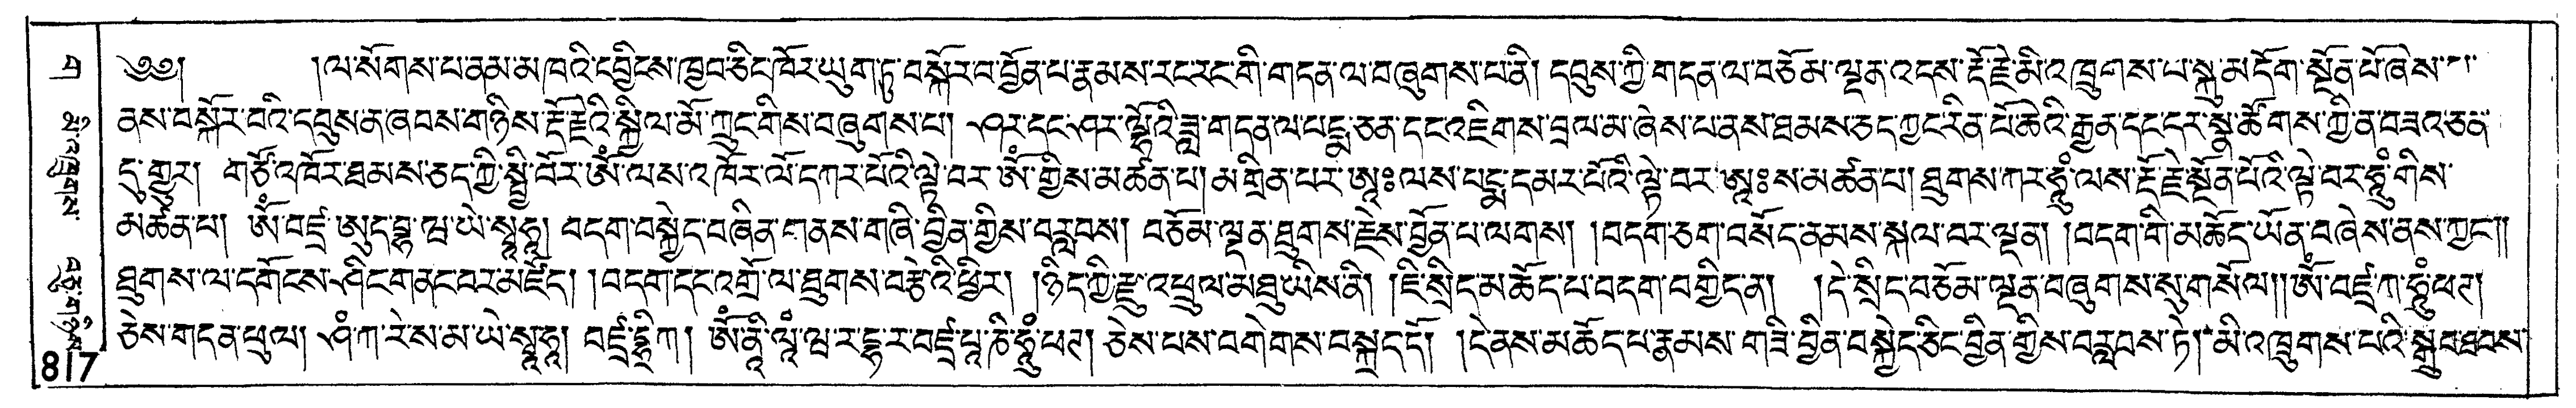༄༅། །ལ་སོགས་པ་ནམ་མཁའི་དབྱིངས་ཁྱབ་ཅིང་ཁོར་ཡུག་ཏུ་བསྐོར་བ་བྱོན་པ་རྣམས་རང་རང་གི་གདན་ལ་བཞུགས་པ་ནི། དབུས་ཀྱི་གདན་ལ་བཅོམ་ལྡན་འདས་རྡོ་རྗེ་མི་འཁྲུགས་པ་སྐུ་མདོག་སྔོན་པོ་ཞེས་པ་
ནས་བསྐོར་བའི་དབུས་ན་ཞབས་གཉིས་རྡོ་རྗེའི་སྐྱིལ་མོ་ཀྲུང་གིས་བཞུགས་པ། ཤར་དང་ཤར་ལྷོའི་ཟླ་གདན་ལ་པདམ་ཅན་དང་འཇིགས་བྲལ་མ་ཞེས་པ་ནས་ཐམས་ཅད་ཀྱང་རིན་པོ་ཆེའི་རྒྱན་དང་དར་སྣ་ཚོགས་ཀྱི་ན་བཟའ་ཅན་
དུ་གྱུར། གཙོ་འཁོར་ཐམས་ཅད་ཀྱི་སྤྱི་བོར་ཨོཾ་ལས་འཁོར་ལོ་དཀར་པོའི་ལྟེ་བར་ཨོཾ་གྱིས་མཚན་པ། མགྲིན་པར་ཨཱཿ ལས་པདམ་དམར་པོའི་ལྟེ་བར་ཨཱཿ ས་མཚན་པ། ཐུགས་ཀར་ཧཱུཾ་ལས་རྡོ་རྗེ་སྔོན་པོའི་ལྟེ་བར་ཧཱུཾ་གིས་
མཚན་པ། ཨོཾ་བཛྲ་ཨུད་བྷ་ཝ་ཡེ་སྭཱཧཱ། བདག་བསྐྱེད་བཞིན་གནས་གཞི་བྱིན་གྱིས་བརླབས། བཅོམ་ལྡན་ཐུགས་རྗེས་བྱོན་པ་ལགས། །བདག་ཅག་བསོད་ནམས་སྐལ་བར་ལྡན། །བདག་གི་མཆོད་ཡོན་བཞེས་ནས་ཀྱང་། །
ཐུགས་ལ་དགོངས་ཤིང་གནང་བར་མཛོད། །བདག་དང་འགྲོ་ལ་ཐུགས་བརྩེའི་ཕྱིར། །ཉིད་ཀྱི་རྫུ་འཕྲུལ་མཐུ་ཡིས་ནི། །ཇི་སྲིད་མཆོད་པ་བདག་བགྱིད་ན། །དེ་སྲིད་བཅོམ་ལྡན་བཞུགས་སུ་གསོལ། །ཨོཾ་བཛྲ་ཀ་ཧཱུཾ་ཕཊ།
ཅེས་གདན་ཕུལ། ཤཾ་ཀ་རེ་ས་མ་ཡེ་སྭཱཧཱ། བཛྲ་དྷྲི་ཀ། ཨོཾ་ནཱི་ཝཱཾ་ཝ་ར་དྷ་ར་བཛྲ་པཱ་ཎི་ཧཱུཾ་ཕཊ། ཅེས་པས་བགེགས་བསྐྲད་དོ། །དེ་ནས་མཆོད་པ་རྣམས་གཟི་བྱིན་བསྐྱེད་ཅིང་བྱིན་གྱིས་བརླབས་ཏེ། མི་འཁྲུགས་པའི་སྒྲུབ་ཐབས་